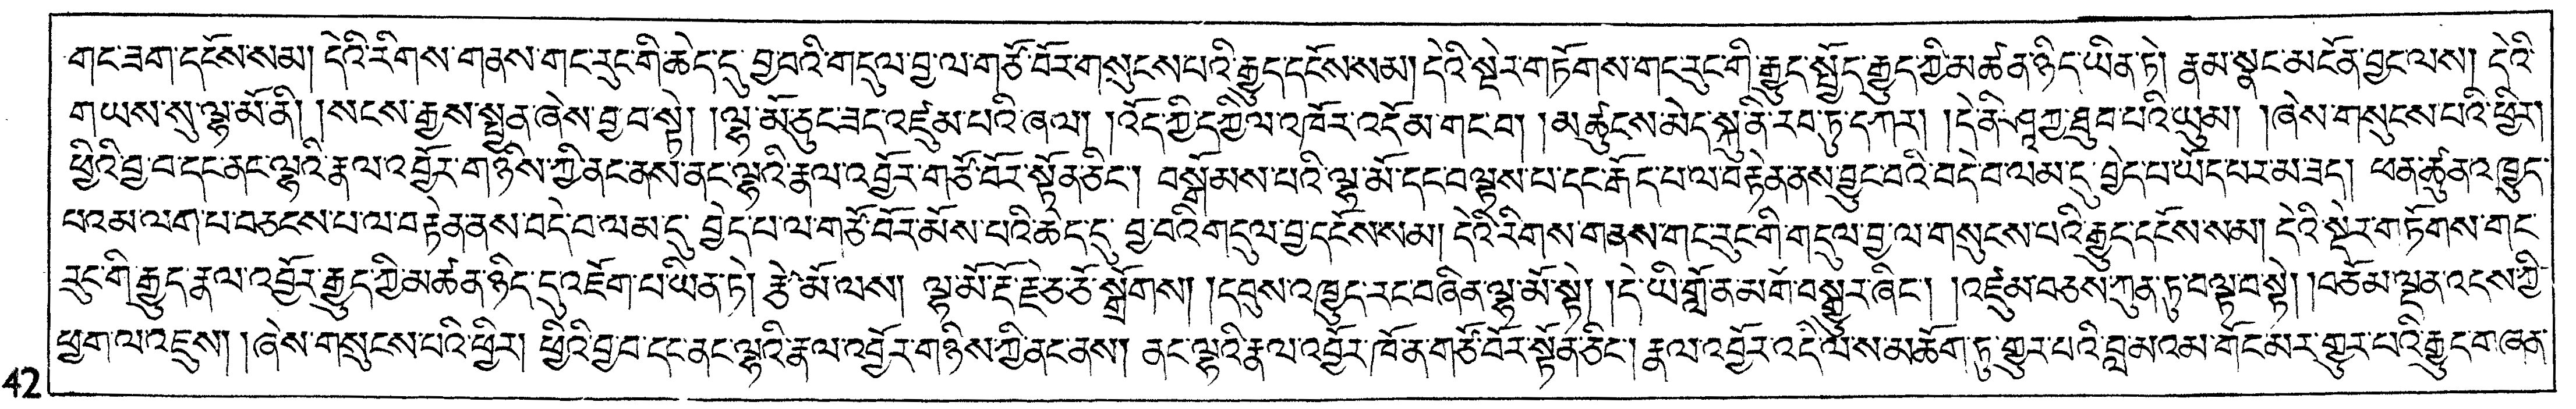གང་ཟག་དངོས་སམ། དེའི་རིགས་གནས་གང་རུང་གི་ཆེད་དུ་བྱ་བའི་གདུལ་བྱ་ལ་གཙོ་བོར་གསུངས་པའི་རྒྱུད་དངོས་སམ། དེའི་སྡེར་གཏོགས་གང་རུང་གི་རྒྱུད་སྤྱོད་རྒྱུད་ཀྱི་མཚན་ཉིད་ཡིན་ཏེ། རྣམ་སྣང་མངོན་བྱང་ལས། དེའི་
གཡས་སུ་ལྷ་མོ་ནི། །སངས་རྒྱས་སྤྱན་ཞེས་བྱ་བ་སྟེ། །ལྷ་མོ་ཅུང་ཟད་འཛུམ་པའི་ཞལ། །འོད་ཀྱི་དཀྱིལ་འཁོར་འདོམ་གང་བ། །མཚུངས་མེད་སྐུ་ནི་རབ་ཏུ་དཀར། །དེ་ནི་ཤཱཀྱ་ཐུབ་པའི་ཡུམ། །ཞེས་གསུངས་པའི་ཕྱིར།
ཕྱིའི་བྱ་བ་དང་ནང་ལྷའི་རྣལ་འབྱོར་གཉིས་ཀྱི་ནང་ནས་ནང་ལྷའི་རྣལ་འབྱོར་གཙོ་བོར་སྟོན་ཅིང་། བསྒོམས་པའི་ལྷ་མོ་དང་བལྟས་པ་དང་རྒོད་པ་ལ་བརྟེན་ནས་བྱུང་བའི་བདེ་བ་ལམ་དུ་བྱེད་པ་ཡོད་པར་མ་ཟད། ཕན་ཚུན་འཁྱུད་
པའམ་ལག་པ་བཅངས་པ་ལ་བརྟེན་ནས་བདེ་བ་ལམ་དུ་བྱེད་པ་ལ་གཙོ་བོར་མོས་པའི་ཆེད་དུ་བྱ་བའི་གདུལ་བྱ་དངོས་སམ། དེའི་རིགས་གནས་གང་རུང་གི་གདུལ་བྱ་ལ་གསུངས་པའི་རྒྱུད་དངོས་སམ། དེའི་སྡེར་གཏོགས་གང་
རུང་གི་རྒྱུད་རྣལ་འབྱོར་རྒྱུད་ཀྱི་མཚན་ཉིད་དུ་འཇོག་པ་ཡིན་ཏེ། རྩེ་མོ་ལས། ལྷ་མོ་རྡོ་རྗེ་ཅ་ཅོ་སྒྲོགས། །དབུས་འཁྱུད་རང་བཞིན་ལྷ་མོ་སྟེ། །དེ་ཡི་གློ་ན་མགོ་བསྒྱུར་ཞིང་། །འཛུམ་བཅས་ཀུན་ཏུ་བལྟ་བ་སྟེ། །བཅོམ་ལྡན་འདས་ཀྱི་
ཕྱག་ལ་འཇུས། །ཞེས་གསུངས་པའི་ཕྱིར། ཕྱིའི་བྱ་བ་དང་ནང་ལྷའི་རྣལ་འབྱོར་གཉིས་ཀྱི་ནང་ནས། ནང་ལྷའི་རྣལ་འབྱོར་ཁོ་ན་གཙོ་བོར་སྟོན་ཅིང་། རྣལ་འབྱོར་འདི་ལ་ས་མཆོག་ཏུ་གྱུར་པའི་བླ་མའམ་གོང་མར་གྱུར་པའི་རྒྱུད་གཞན་